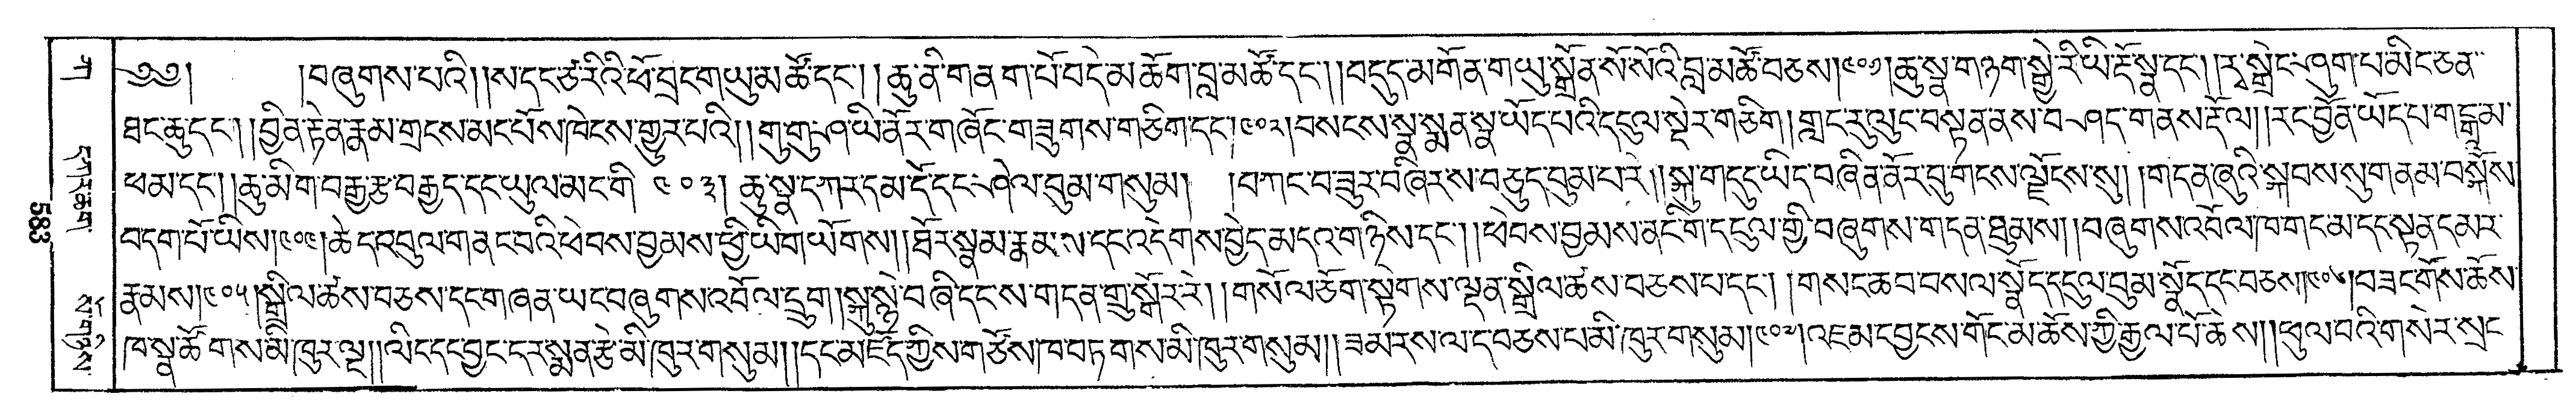༄༅། །བཞུགས་པའི། །ས་དང་ཙ་རིའི་ཕོ་བྲང་གཡུ་མཚོ་དང་། །ཆུ་མིག་ནག་པོ་བདེ་མཆོག་བླ་མཚོ་དང་། །བདུད་མགོན་གཡུ་སྒྲོན་སོ་སོའི་བླ་མཚོ་བཅས། ༤༡༡་།ཆུ་སྣ་གཉག་སྒྱེ་རི་ཡི་རྡོ་སྣ་དང་། །རྭ་སྒྲེང་ཤུག་པ་མིང་ཅན་
ཐང་ཆུ་དང་། །བྱིན་རྟེན་རྣམ་གྲངས་མང་པོས་ཁེངས་གྱུར་པའི། །གུ་གུ་ཤ་ཡི་ནོར་གཞོང་གཟུགས་གཅིག་དང་། ༤༠༢་།བསངས་སྣ་སྣན་སྣ་ཡོད་པའི་དངུལ་སྡེར་གཅིག །གླང་རུ་ལུང་བསྟན་ནས་བཤད་གནས་རྡོལ། །རང་བྱོན་ཡོད་པ་གངྒཱ་མ་
ཕམ་དང་། །ཆུ་མིག་བརྒྱ་རྩ་བརྒྱད་དང་ཡུལ་མང་གི། ༤༠༣་།ཆུ་སྣ་དཀར་དམ་ངོ་དང་ཤེལ་བུམ་གསུམ། །བཀང་བ་ཟུར་བཞིར་ས་བཅུད་བུམ་པ་རེ། །སྐུ་གདུང་ཡིད་བཞིན་ནོར་བུ་གངས་ལྗོངས་སུ། །གདན་ཞུའི་སྐབས་སུ་གནམ་བསྐོས་
བདག་པོ་ཡིས། ༤༠༤་།ཆེད་འབུལ་གནང་བའི་ཕེབས་བྱམས་ཕྱི་ཡི་གཡོགས། །ཐོར་སྣམ་རྣམས་དང་འདེགས་བྱེད་མདའ་གཉིས་དང་། །ཕེབས་བྱམས་ནང་གི་དངུལ་གྱི་བཞུགས་གདན་ཐུམས། །བཞུགས་འབོལ་ཁ་གང་མ་དང་སྟན་དམར་
རྣམས། ༤༠༥་།སྒྲིལ་ཚས་བཅས་དང་གཞན་ཡང་བཞུགས་འབོལ་དྲུག །སྐུ་སྙེ་བཞི་དང་ས་གདན་གྲུ་སྒོར་རེ། །གསོལ་ཅོག་སྟེགས་ལྡན་སྒྲིལ་ཚས་བཅས་པ་དང་། །གསང་ཆབ་བ་སོལ་སྣོད་དངུལ་བུམ་སྣོད་དང་བཅས། ༤༠༦་།བཟང་གོས་ཚོས་
ཁ་སྣ་ཚོགས་མི་ཁུར་ལྔ། །ལིང་དང་བྱང་དར་སྨན་རྩེ་མི་ཁུར་གསུམ། ནང་མཛོད་ཀྱིས་གཙོས་ཁ་བཏགས་མི་ཁུར་གསུམ། །ཟམ་རས་ལ་ད་བཅས་པ་མི་ཁུར་གསུམ། ༤༠༧་།འཇམ་དབྱངས་གོང་མ་ཆོས་ཀྱི་རྒྱལ་པོ་ཆེས། །ཕུལ་བའི་གསེར་སྲང་